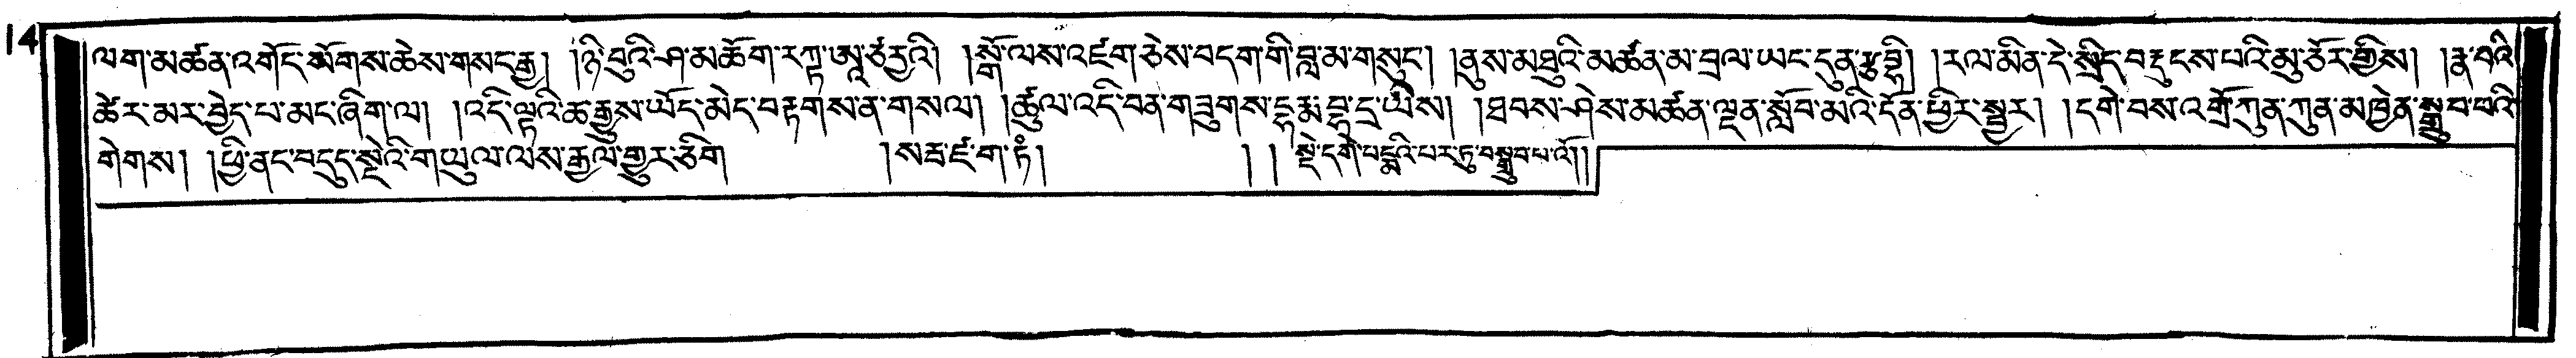ལག་མཚན་འགོད་སོགས་ཆེས་གསང་རྒྱ། །ཉི་བུའི་ཤ་མཆོག་རཀྟ་ཨཱ་ཙརྱའི། །སྒོ་ལས་འཛག་ཅེས་བདག་གི་བླ་མ་གསུང་། །ནུས་མཐུའི་མཚན་མ་བྲལ་ཡང་དུན་རྩ་བྷི། །རལ་མིན་དེ་སྲིད་བརྡུངས་པའི་མུ་ཅོར་གྱིས། །རྣ་བའི་
ཚེར་མར་བྱེད་པ་མང་ཞིག་ལ། །འདི་ལྟའི་ཆ་རྒྱུས་ཡོད་མེད་བརྟགས་ན་གསལ། །ཚུལ་འདི་བན་གཟུགས་དྷརྨ་བྷ་དྲ་ཡིས། །ཐབས་ཤེས་མཚན་ལྡན་སློབ་མའི་དོན་ཕྱིར་སྦྱར། །དགེ་བས་འགྲོ་ཀུན་ཀུན་མཁྱེན་སྒྲུབ་པའི་
གེགས། །ཕྱི་ནང་བདུད་སྡེའི་གཡུལ་ལས་རྒྱལ་གྱུར་ཅིག །སརྦ་ཛ་ག་ཏཾ། །།སྡེ་དགེ་པདམའི་པར་ཏུ་བསྒྲུབ་པ་འོ། །